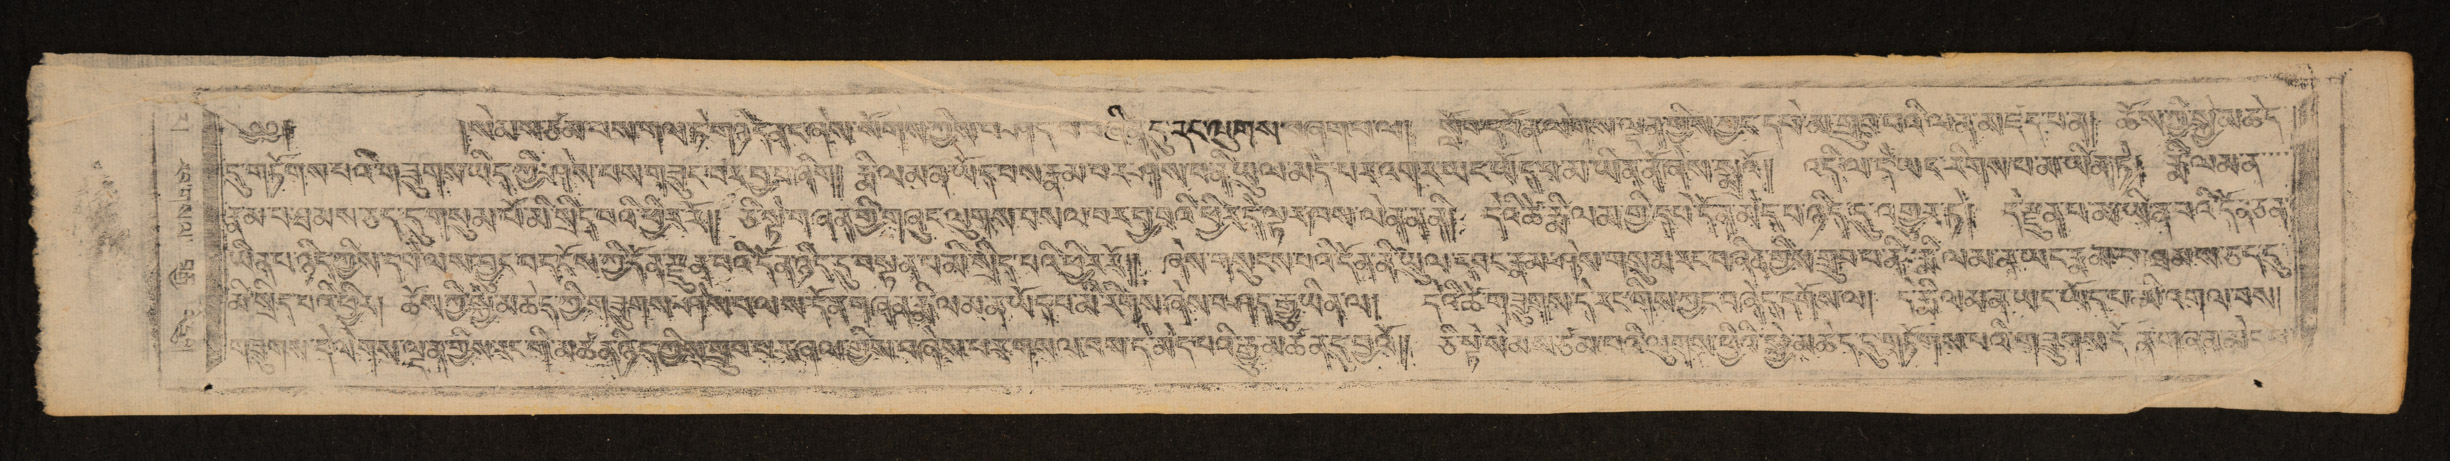༄༅། །སེམས་ཙམ་པས་གལ་ཏེ་གཉིད་ནང་ཞེས་སོགས་ཀྱིས་བཤད་པ་བཞིན་དུ་རང་ལུགས་བཞག་པ་ལ། སློབ་དཔོན་ལེགས་ལྡན་གྱིས་ཀྱང་དཔེ་མ་གྲུབ་པའི་ལན་མཛད་པ་ན། ཆོས་ཀྱི་སྐྱེ་མཆེད་
དུ་གཏོགས་པའི་གཟུགས་ཡིད་ཀྱི་ཤེས་པས་གཟུང་བར་བྱ་བ་ཞིག། རྨི་ལམ་ན་ཡོད་པས་རྣམ་པར་ཤེས་པ་ནི་ཡུལ་མེད་པར་འགར་ཡང་ཡོད་པ་མ་ཡིན་ནོ་ཞེས་སྨྲའོ།། འདི་ལ་དེ་ཡང་རིགས་པ་མ་ཡིན་ཏེ། རྨི་ལམ་ན་
རྣམ་པ་ཐམས་ཅད་དུ་གསུམ་པོ་མི་སྲིད་པའི་ཕྱིར་རོ།། ཅི་སྟེ་གཞན་གྱི་གཞུང་ལུགས་བསལ་བར་བྱ་བའི་ཕྱིར་དེ་ལྟར་ཁས་ལེན་ན་ནི། དེའི་ཚེ་རྨི་ལམ་གྱི་དཔེ་དོན་མེད་པ་ཉིད་དུ་འགྱུར་ཏེ། དེ་རྫུན་པ་མ་ཡིན་པའི་དོན་ཅན་
ཡིན་པ་ཉིད་ཀྱིས་དཔེ་ལས་བྱུང་བ་དངོས་ཀྱི་དོན་བརྫུན་པའི་དོན་ཉིད་དུ་བསྟན་པ་མི་སྲིད་པའི་ཕྱིར་རོ།། ཞེས་གསུངས་པའི་དོན་ནི་ཡུལ་དབང་རྣམ་ཤེས་གསུམ་རང་བཞིན་གྱིས་གྲུབ་པ་ནི་རྨི་ལམ་ན་ཡང་རྣམ་པ་ཐམས་ཅད་དུ་
མི་སྲིད་པའི་ཕྱིར། ཆོས་ཀྱི་སྐྱེ་མཆེད་ཀྱི་གཟུགས་ཤེས་པ་ལས་དོན་གཞན་རྨི་ལམ་ན་ཡོད་པ་མི་རིགས་ཞེས་བཤད་རྒྱུ་ཡིན་ལ། དེའི་ཚེ་གཟུགས་དེ་རང་གིས་ཀྱང་བཞེད་དགོས་ལ། དེ་རྨི་ལམ་ན་ཡང་ཡོད་པ་མི་འགལ་བས།
གཟུགས་དེ་ལེགས་ལྡན་གྱིས་རང་གི་མཚན་ཉིད་ཀྱིས་གྲུབ་པར་ཞལ་གྱིས་བཞེས་བར་གསལ་བས་དེ་མེད་པའི་རྒྱུ་མཚན་དུ་བྱའོ།། ཅི་སྟེ་སེམས་ཙམ་པའི་ལུགས་ཕྱིའི་སྐྱེ་མཆེད་དུ་གཏོགས་པའི་གཟུགས་དོན་གཞན་མེད་པ་